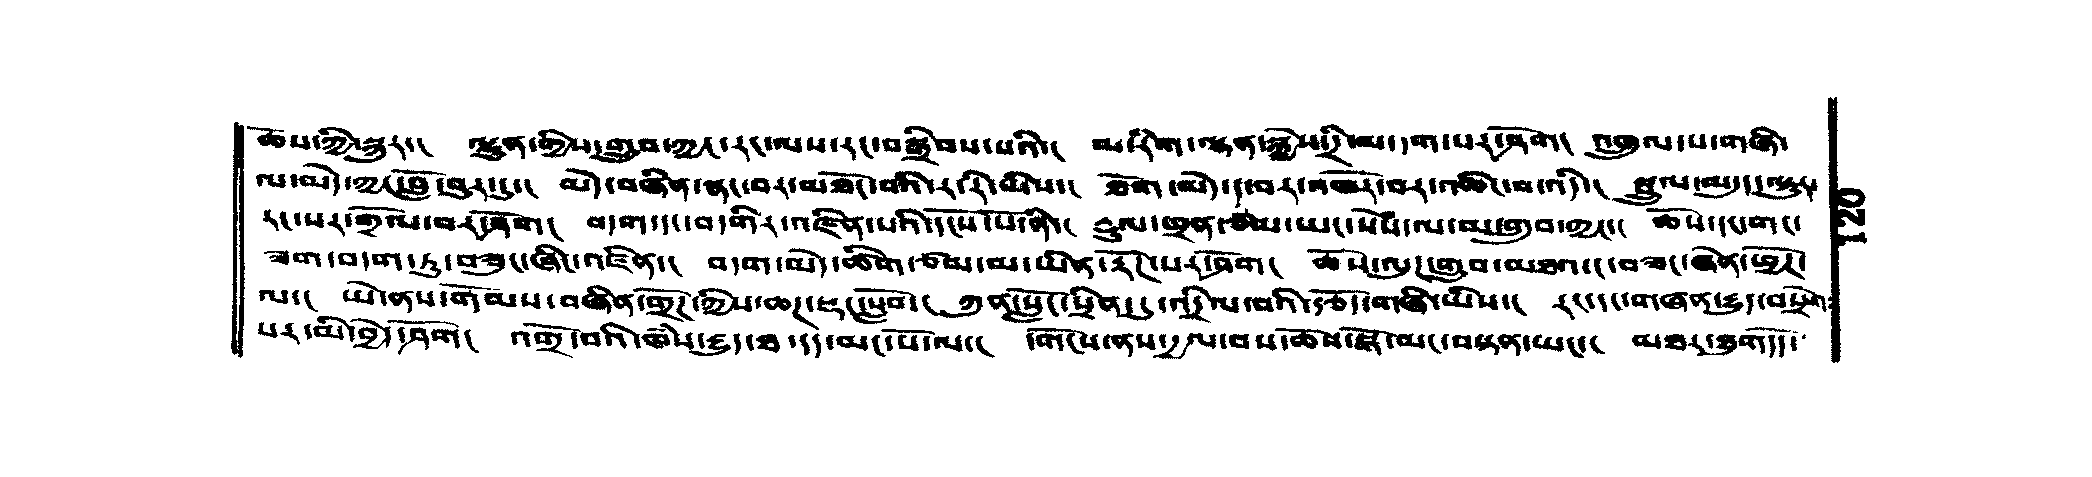ཆོས་ཀྱི་སྐུར། །ལྷུན་གྱིས་གྲུབ་ཀྱང་རང་ལས་རང་བསྒྲིབས་པའི། །མ་རིག་ལྷན་སྐྱེས་དྲི་མ་དག་པར་ཤོག །འཁྲུལ་པ་གཞི་
ལ་མེད་ཀྱང་བློ་བུར་དུ། །མེད་བཞིན་སྣང་བར་མཐོང་བའི་ར་རི་ཡིས། །ཐོག་མེད་ད་བར་འཁོར་བར་འཆིང་བ་འདི། །སྦྲུལ་མདུད་ལྟ་བུར་
རང་སར་གྲོལ་བར་ཤོག །བདག་དང་བདག་གིར་འཛིན་པའི་དངོས་པོ་ནི། །རྡུལ་ཕྲན་ཙམ་ཡང་སེམས་ལ་མ་གྲུབ་ཀྱང་། །ཆོས་དང་གང་
ཟག་བདག་ཏུ་བཟུང་ཞིང་འཛིན། །བདག་མེད་ཚིག་ཙམ་མ་ཡིན་རྟོགས་པར་ཤོག །ཆོས་ལུགས་གྲུབ་མཐའ་ང་བཟང་ཞེན་ཕྱོགས་
ལ། །ཡེ་ནས་གོམས་བཞིན་གྲོགས་ཀྱིས་ཆགས་སྡང་སློབ། །ཀུན་སློང་སྲན་དུ་འདྲིལ་བའི་རྩོད་གཞི་ཡིས། །རང་དང་གཞན་རྒྱུད་བསྲེག་
པར་མི་བྱེད་ཤོག །འགྲོ་བའི་ཁམས་རྒྱུད་ཐ་དད་མང་པོ་ལ། །དགོངས་ནས་རྒྱལ་བས་ཆོས་སྒོ་མང་བསྟན་ཡང་། མཐར་ཐུག་གདོད་